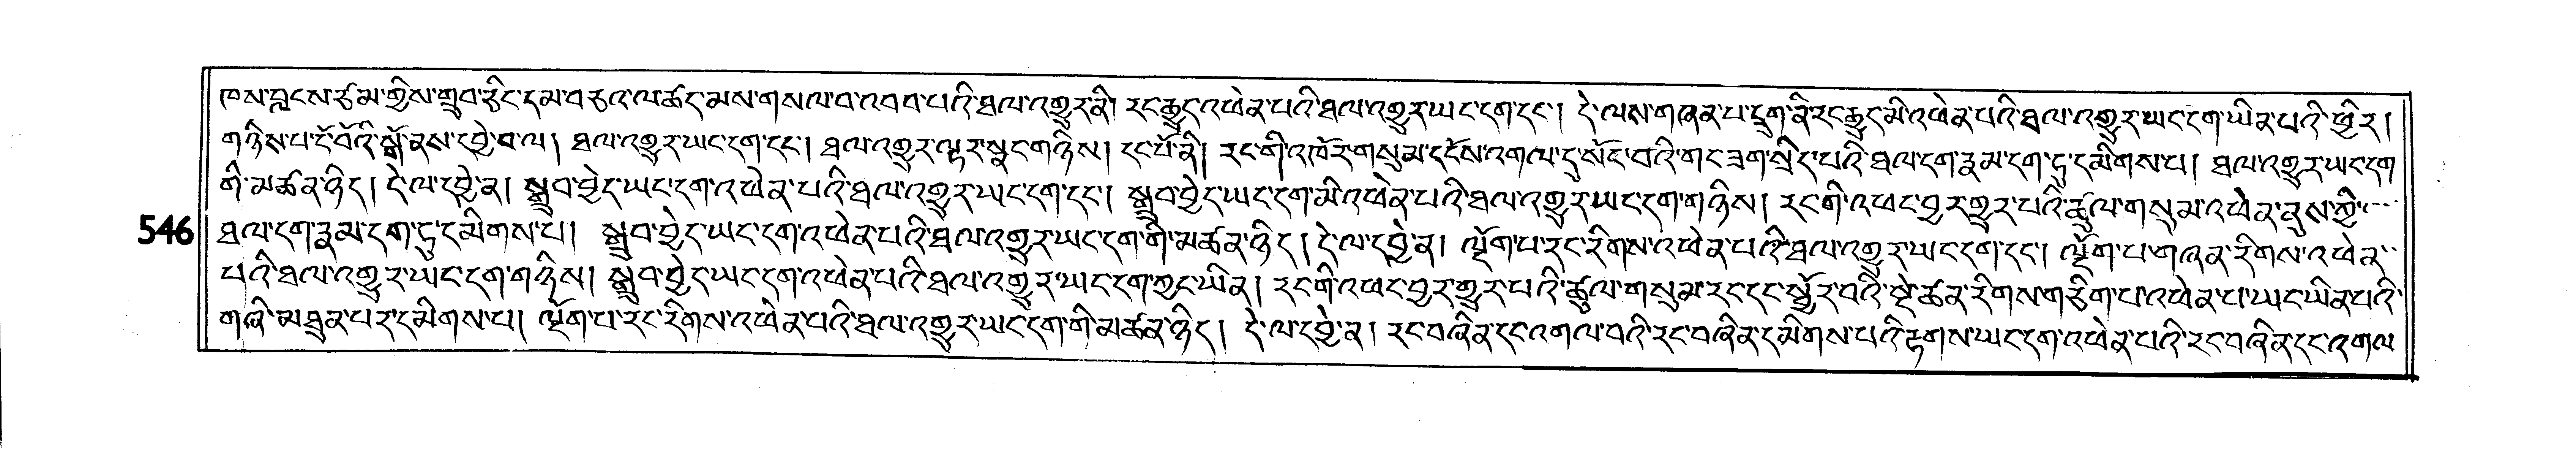ཁས་བླངས་ཙམ་གྱིས་གྲུབ་ཅིང་དམ་བཅའ་ལ་ཚད་མས་གསལ་བ་འབབ་པའི་ཐལ་འགྱུར་ནི། རང་རྒྱུད་འཕེན་པའི་ཐལ་འགྱུར་ཡང་དག་དང་། དེ་ལས་གཞན་པ་དྲུག་ནི་རང་རྒྱུད་མི་འཕེན་པའི་ཐལ་འགྱུར་ཡང་དག་ཡིན་པའི་ཕྱིར།
གཉིས་པ་ངོ་བོའི་སྒོ་ནས་དབྱེ་བ་ལ། ཐལ་འགྱུར་ཡང་དག་དང་། ཐལ་འགྱུར་ལྟར་སྣང་གཉིས། དང་པོ་ནི། རང་གི་འཁོར་གསུམ་དངོས་འགལ་དུ་སོང་བའི་གང་ཟག་སྲིད་པའི་ཐལ་དག་རྣམ་དག་ཏུ་དམིགས་པ། ཐལ་འགྱུར་ཡང་དག་
གི་མཚན་ཉིད། དེ་ལ་དབྱེ་ན། སྒྲུབ་བྱེད་ཡང་དག་འཕེན་པའི་ཐལ་འགྱུར་ཡང་དག་དང་། སྒྲུབ་བྱེད་ཡང་དག་མི་འཕེན་པའི་ཐལ་འགྱུར་ཡང་དག་གཉིས། རང་གི་འཕང་བྱར་གྱུར་པའི་ཚུལ་གསུམ་འཕེན་ནུས་ཀྱི་
ཐལ་དག་རྣམ་དག་ཏུ་དམིགས་པ། སྒྲུབ་བྱེད་ཡང་དག་འཕེན་པའི་ཐལ་འགྱུར་ཡང་དག་གི་མཚན་ཉིད། དེ་ལ་དབྱེ་ན། ལྡོག་པ་རང་རིགས་འཕེན་པའི་ཐལ་འགྱུར་ཡང་དག་དང་། ལྡོག་པ་གཞན་རིགས་འཕེན་
པའི་ཐལ་འགྱུར་ཡང་དག་གཉིས། སྒྲུབ་བྱེད་ཡང་དག་འཕེན་པའི་ཐལ་འགྱུར་ཡང་དག་ཀྱང་ཡིན། རང་གི་འཕང་བྱར་གྱུར་པའི་ཚུལ་གསུམ་རང་དང་སྦྱོར་བའི་སྡེ་ཚན་རིགས་གཅིག་པ་འཕེན་པ་ཡང་ཡིན་པའི་
གཞི་མཐུན་པར་དམིགས་པ། ལྡོག་པ་རང་རིགས་འཕེན་པའི་ཐལ་འགྱུར་ཡང་དག་གི་མཚན་ཉིད། དེ་ལ་དབྱེ་ན། རང་བཞིན་དང་འགལ་བའི་རང་བཞིན་དམིགས་པའི་རྟགས་ཡང་དག་འཕེན་པའི་རང་བཞིན་དང་འགལ་